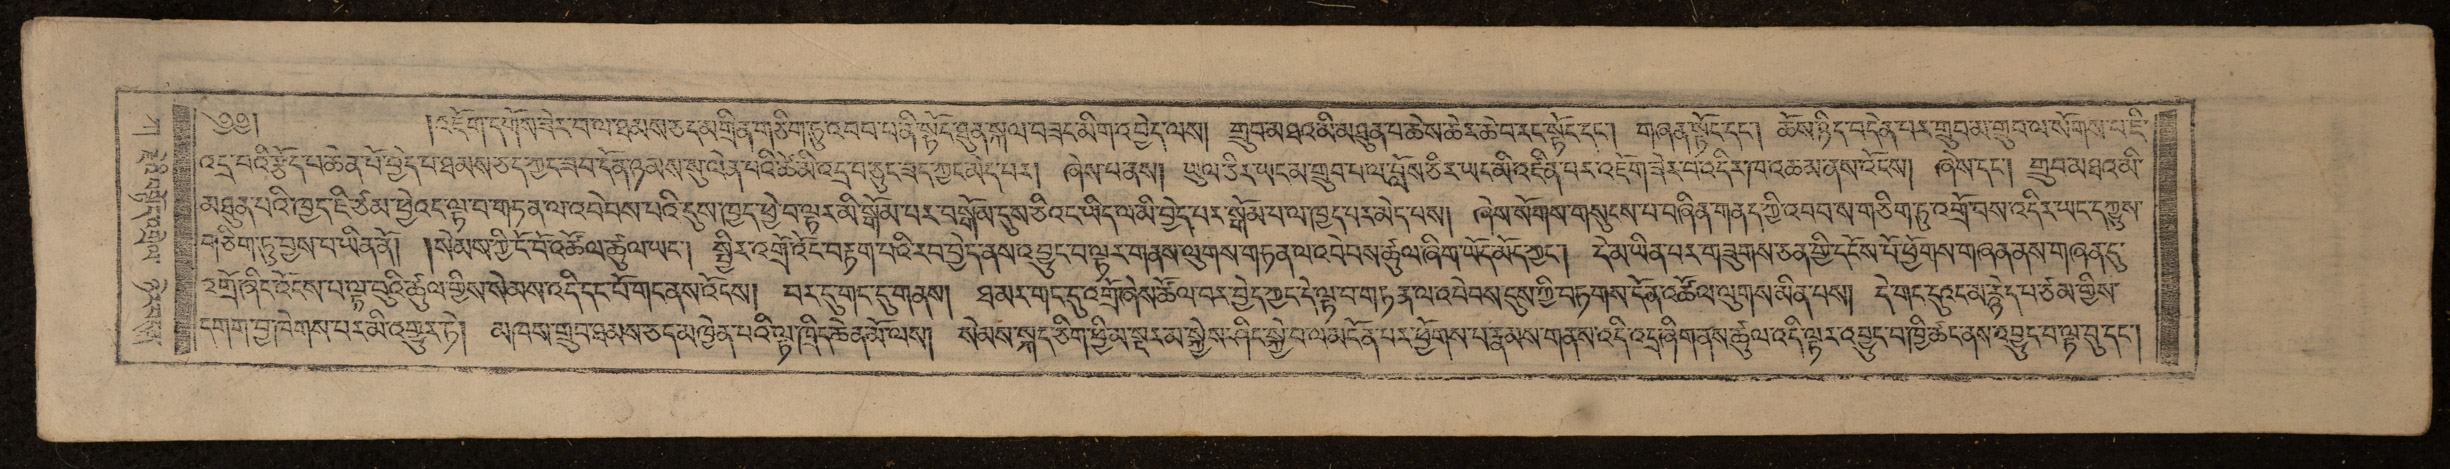༄༅། །འཇོག་དངོས་ཟེར་བ་ལ་ཐམས་ཅད་མགྲིན་གཅིག་ཏུ་འབབ་པ་ནི་སྟོང་ཐུན་སྐལ་བཟང་མིག་འཕྱེད་ལས། གྲུབ་མཐའ་མི་མཐུན་པ་ཆེས་ཆེར་ཆེ་བ་རང་སྟོང་དང་། གཞན་སྟོར་དང་། ཆོས་ཉིད་བདེན་བར་གྲུབ་མ་གྲུབ་ལ་སོགས་པ་ཇི་
འདྲ་བའི་རྩོད་བ་ཆེན་པོ་བྱེད་པ་ཐམས་ཅད་ཀྱང་ཟབ་དོན་ཉམས་སུ་ལེན་པའི་ཚེ་མི་འདྲ་བ་ཅུང་ཟད་ཀྱང་མེད་པར། ཞེས་པ་ནས། ཡུལ་ཅིར་ཡང་མ་གྲུབ་པ་ལ་བློས་ཅིར་ཡང་མི་འཛིན་པར་འཇོག་ཟེར་བ་འདིར་ཁ་འཆམ་ནས་འོངས། ཞེས་དང་། གྲུབ་མཐའ་མི་
མཐུན་པའི་ཁྱད་ཇི་ཙམ་ཕྱེའང་ལྟ་བ་གཏན་ལ་འབེབས་པའི་དུས་ཁྱད་ཕྱེ་བ་ལྟར་མི་སྒོམ་བར་བསྒོམ་དུས་ཅིའང་ཡིད་ལ་མི་བྱེད་པར་སྒོམ་པ་ལ་ཁྱད་པར་མེད་པས། ཞེས་སོགས་གསུངས་པ་བཞིན་གནང་ཀྱི་འབབས་གཅིག་ཏུ་འགོ་བས་འདིར་ཡང་དཀྱུས་
ཕ༹གཅིག་ཏུ་བྱས་པ་ཡིན་ནོ། །སེམས་ཀྱི་ངོ་བོ་འཚོལ་ཚུལ་ཡང་། སྤྱིར་འགྲོའོང་བརྟག་པའི་རབ་བྱེད་ནས་འབྱུང་བ་ལྟར་གནས་ལུགས་གཏན་ལ་འབེབས་ཚུལ་ཞིག་ཡོད་མོད་ཀྱང་། དེ་མ་ཡིན་བར་གཟུགས་ཅན་གྱི་དངོས་པོ་ཕྱོགས་གཞན་ནས་གཞན་དུ་
འགྲོ་ཞིང་འོངས་པ་ལྟ་བུའི་ཚུལ་གྱིས་སེམས་འདི་དང་པོ་གང་ནས་བོངས། བར་དུ་གང་དུ་གནས། ཐ་མར་གང་དུ་འགྲོ་ཞེས་ཚོལ་བར་བྱེད་ཀྱང་དེ་ལྟ་བ་གཏན་ལ་འབེབས་དུས་ཀྱི་བཏགས་དོན་འཚོལ་ལུགས་མིན་པས། དེ་གང་དུའང་མ་རྙེད་བ་ཙམ་གྱིས་
དགག་བྱ་ཁེགས་པར་མི་འགྱུར་ཏེ། མཁས་གྲུབ་ཐམས་ཅད་མཁྱེན་པའི་ལྟ་ཁྲིད་ཆེན་མོ་ལས། སེམས་སྐད་ཅིག་ཕྱི་མ་སྔར་མ་སྐྱེས་ཤིང་སྐྱེ་བ་ལ་མངོན་པར་ཕྱོགས་བ་རྣམས་གནས་འདི་འདྲ་ཞིག་ནས་ཚུལ་འདི་ལྟར་འབྱུང་བ་ཁྱི་ཚང་ནས་འབྱུང་བ་ལྟ་བུ་དང་།